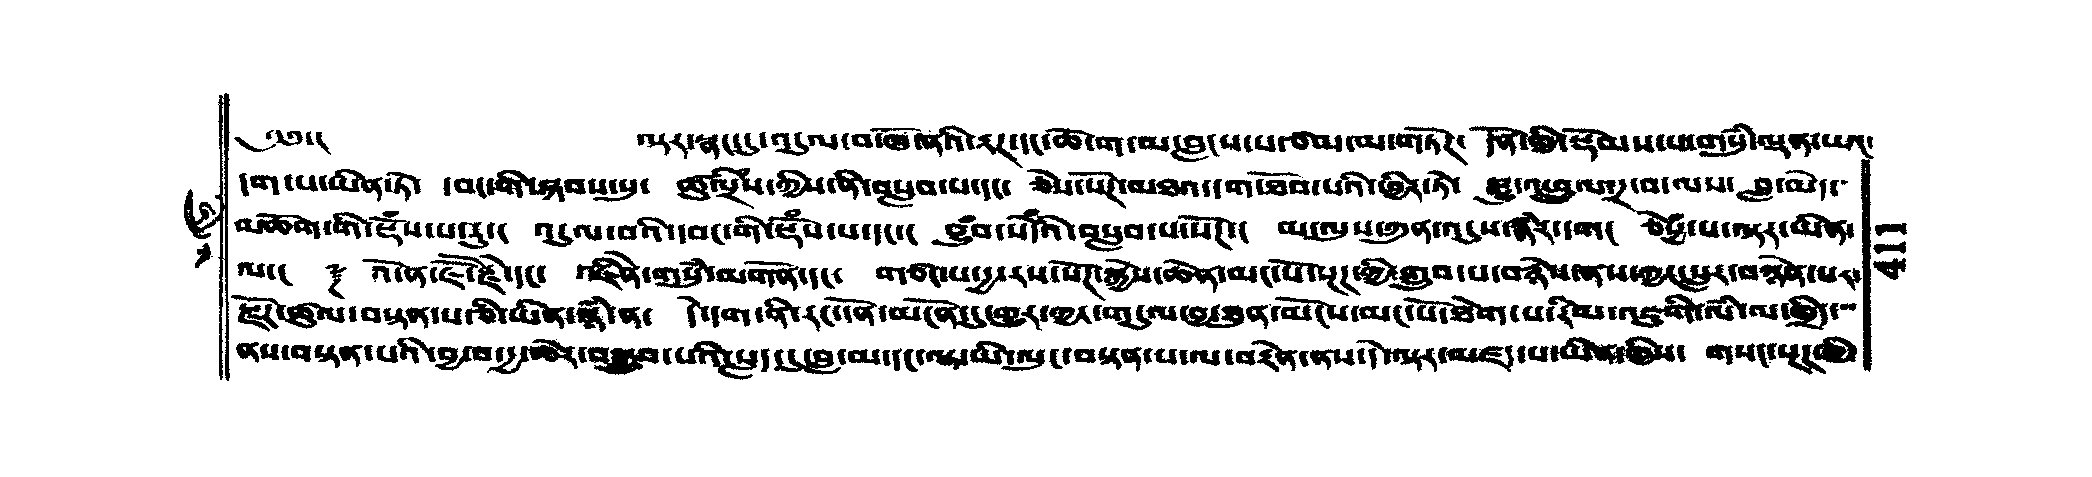ལྟར་སྣང་དུ་འདུལ་བ་ཁོ་ནའི་རྟགས་དང་ཆོ་ག་མ་བླངས་པ་ཙམ་མ་གཏོགས། དོན་གྱི་སྡོམ་པ་གསུམ་ལྡན་ཡང་
དག་པ་ཡིན་ཏེ།དབང་གི་སྐབས་སུ། ཚུལ་ཁྲིམས་ཀྱིས་ནི་བསླབ་པ་དང་། ཅེས་སོགས་མཐའ་དག་ཐོབ་པའི་ཕྱིར་ཏེ། སྒྱུ་འཕྲུལ་དྲྭ་བ་ལས། བླ་མེད་
མཆོག་གི་སྡོམ་པ་རུ། །འདུལ་བའི་དབང་གི་སྡོམ་པ་དང་། །བྱང་ཆུབ་སེམས་དཔའི་བསླབ་པ་སོགས། །མ་ལུས་ཀུན་འདུས་རྣམ་པར་དག ཅེས་གསུངས་པ་ལྟར་ཡིན་
ལ། འོ་ན་ཇོ་བོ་རྗེ་དང་། འཇིག་རྟེན་གསུམ་མགོན་དང་། གཙང་པ་རྒྱ་རས་སོགས་སྐྱེས་ཆེན་མང་པོ་སྔགས་ཀྱི་གྲུབ་པ་བརྙེས་ནས་ཀྱང་སླར་བསྙེན་པར་
རྫོགས་ཚུལ་བསྟན་པ་ཅི་ཡིན་སྙམ་ན། དེ་དག་ནི་རང་དོན་མངོན་དུ་གྱུར་ཀྱང་གདུལ་བྱ་ཐུན་མོང་མང་པོ་ཐེག་པ་རིམ་འཇུག་གི་ལམ་ལ་ཁྲིད་
ནས་བསྟན་པའི་བྱ་བ་རྒྱ་ཆེར་བསྒྲུབ་པའི་སླད་དུ་བླ་མ་དང་ལྷ་ཡི་ལུང་བསྟན་པ་ལ་བརྟེན་ནས་དེ་ལྟར་མཛད་པ་ཡིན་གྱིས། གསང་སྔགས་ཀྱི་